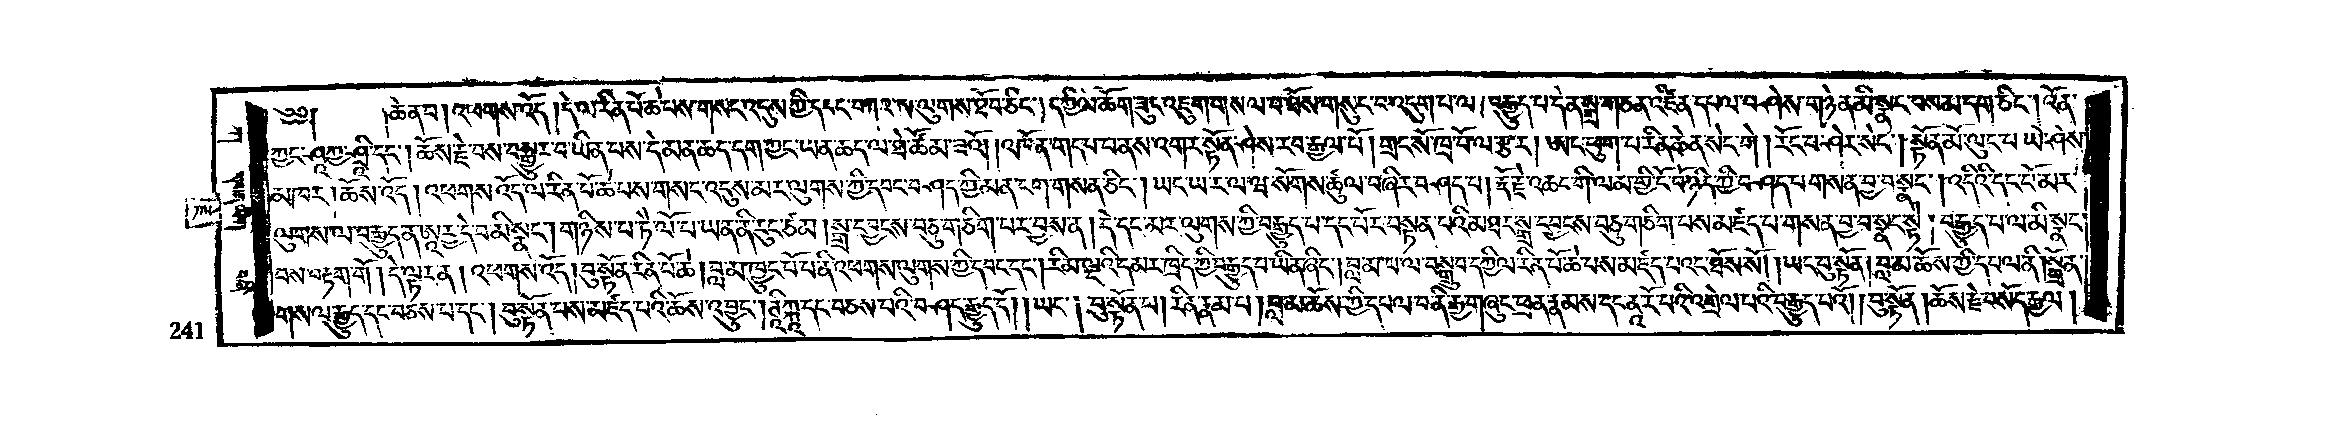༄༅། །ཆེན་བ། འཕགས་འོད། དེ་ལ་རིན་པོ་ཆེ་པས་གསང་འདུས་ཀྱི་དབང་བཀའ་ས་ལུགས་ཐོབ་ཅིང་། དཀྱིལ་ཆོག་ཟུང་འཇུག་གསལ་བ་ཐོས་གསུང་བ་འདུག་པ་ལ། བརྒྱུད་པ་དེ་ན་སྒྲ་གཅན་འཛིན་དཔལ་བཤེས་གཉེན་མི་སྣང་བསམ་དག་ཅིང་། འོན་
ཀྱང་ཤཱཀྱ་ཤྲཱི་དང་། ཆོས་རྗེ་བས་བསྒྱུར་བ་ཡིན་པས་དེ་མན་ཆད་དག་ཀྱང་ཡན་ཆད་ལ་ཐེ་ཚོམ་ཟའོ། །འཁོན་གདབ་པ་ནས་འགར་སྟོན་ཤེས་རབ་རྒྱལ་པོ། གྲང་སོ་ཁྲ་བོ་ལ་རྩར། ཨང་ཕུག་པ་རིན་ཆེན་སེང་གེ། རོང་པ་ཤེར་སེང་། སྟོན་མོ་ལུང་པ་ཡེ་ཤེས་
མཁར། ཆོས་འོད། འཕགས་འོད་ལ་རིན་པོ་ཆེ་པས་གསང་འདུས་མར་ལུགས་ཀྱི་དབང་བཤད་ཀྱི་མན་ངག་གསན་ཅིང་། ཡང་ཡ་ར་ལ་ཝ་སོགས་ཚུལ་བཞིར་བཤད་པ། རྡོ་རྗེ་འཆང་གི་ལམ་གྱི་ངོ་བོ་ཉིད་ཀྱི་བཤད་པ་གསན་བྱ་བ་སྣང་། འདིའི་དང་པོ་མར་
ལུགས་ལ་བརྒྱུད་ན་ཨའརཡ་དེ་བ་མི་སྣང་། གཉིས་པ་ཏཻ་ལོ་པ་ཡན་ནི་རུང་ཙམ། སྒྲ་དབྱངས་བཅུ་གཅིག་པར་བྱས་ན། དེ་དང་མར་ལུགས་ཀྱི་བརྒྱུད་པ་དང་པོར་བསྟན་པའི་མཐར་སྒྲ་དབྱངས་བཅུ་གཅིག་པས་མཛད་པ་གསན་བྱ་བ་སྣང་སྟེ། བརྒྱུད་པ་ལ་མི་སྣང་
བས་བརྟག་གོ །དེ་ལྟར་ན། འཕགས་འོད། བུ་སྟོན་རིན་པོ་ཆེ། བླ་མ་ཁྱུང་པོ་པ་ནི་འཕགས་ལུགས་ཀྱི་དབང་དང་། རིམ་ལྔའི་དམར་ཁྲིད་ཀྱི་བརྒྱུད་པ་ཡིན་ཞིང་། བླ་མ་པ་ལ་བསྒྲུབ་དཀྱིལ་རིན་པོ་ཆེ་པས་མཛད་པའང་ཐོས་སོ། །ཡང་བུ་སྟོན། བླ་མ་ཆོས་ཀྱི་དཔལ་ནི། སྒྲོན་
གསལ་རྒྱུད་དང་བཅས་པ་དང་། བུ་སྟོན་པས་མཛད་པའི་ཆོས་འབྱུང་། ཊཱིཀྐཱ་དང་བཅས་པའི་བཤད་རྒྱུད་དོ། །ཡང་། བུ་སྟོན་པ། རིན་རྣམ་པ། བླ་མ་ཆོས་ཀྱི་དཔལ་བ་ནི་རྒྱ་གཞུང་ཕྲན་རྣམས་དང་ནཱ་རོ་པའི་འགྲེལ་པའི་བརྒྱུད་པའོ། །བུ་སྟོན། ཆོས་རྗེ་བསོད་རྒྱལ།